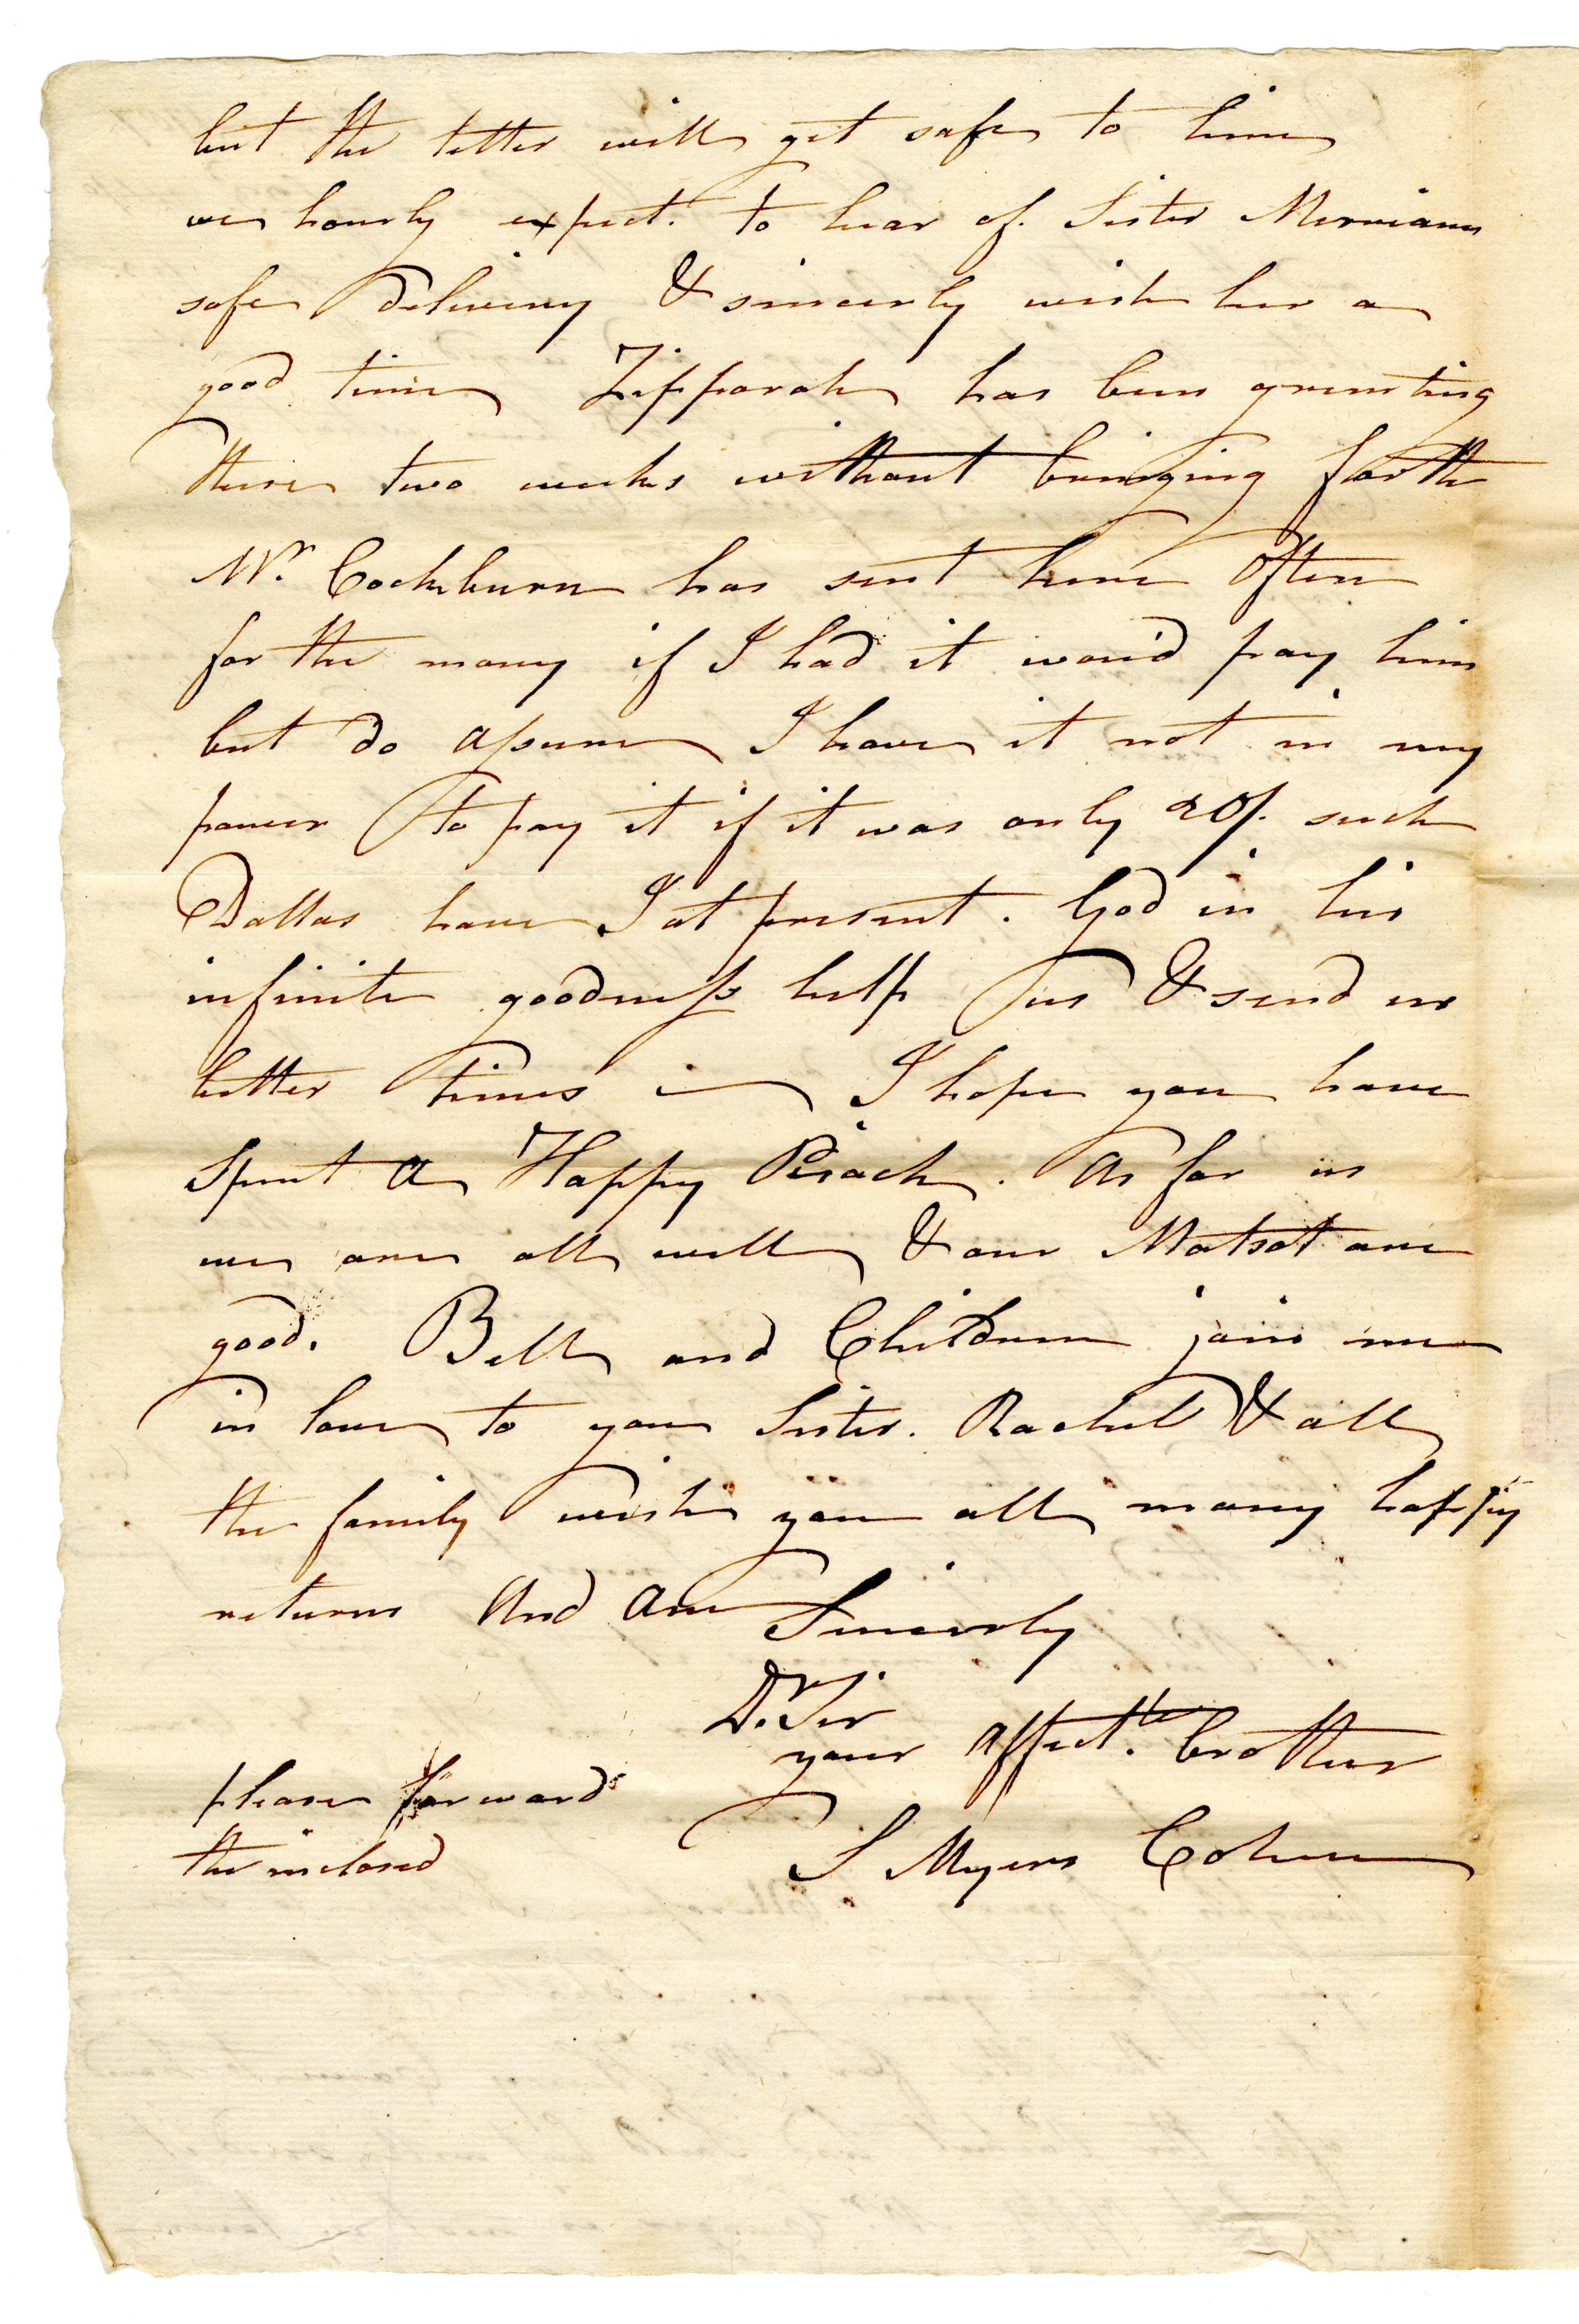but the letter will get safe to him
we hourly expect to hear of Sister Meriams
safe delivery & sincerely wish her a
good time, Zipporah has been grunting
these two week without bringing farther
M^r. Cockburn has sent here often
for the mony if I had it wou'd pay him
but do assum I have it not in my
power to pay it if it was only 20s. such
Dollars have I at present. God in his
infinite goodness help us & send me
better times- I hope you have
spent a Happy Pesach: As far as
me are all well & our Matsot and
good. Bell and Children join me
in love to your sister. Rachel & all
the family Wish you all many happy
returns And are
Sincerly
D^r. Sir
your affect^te Brother
S Myers Cohen
please forward
the inclosed